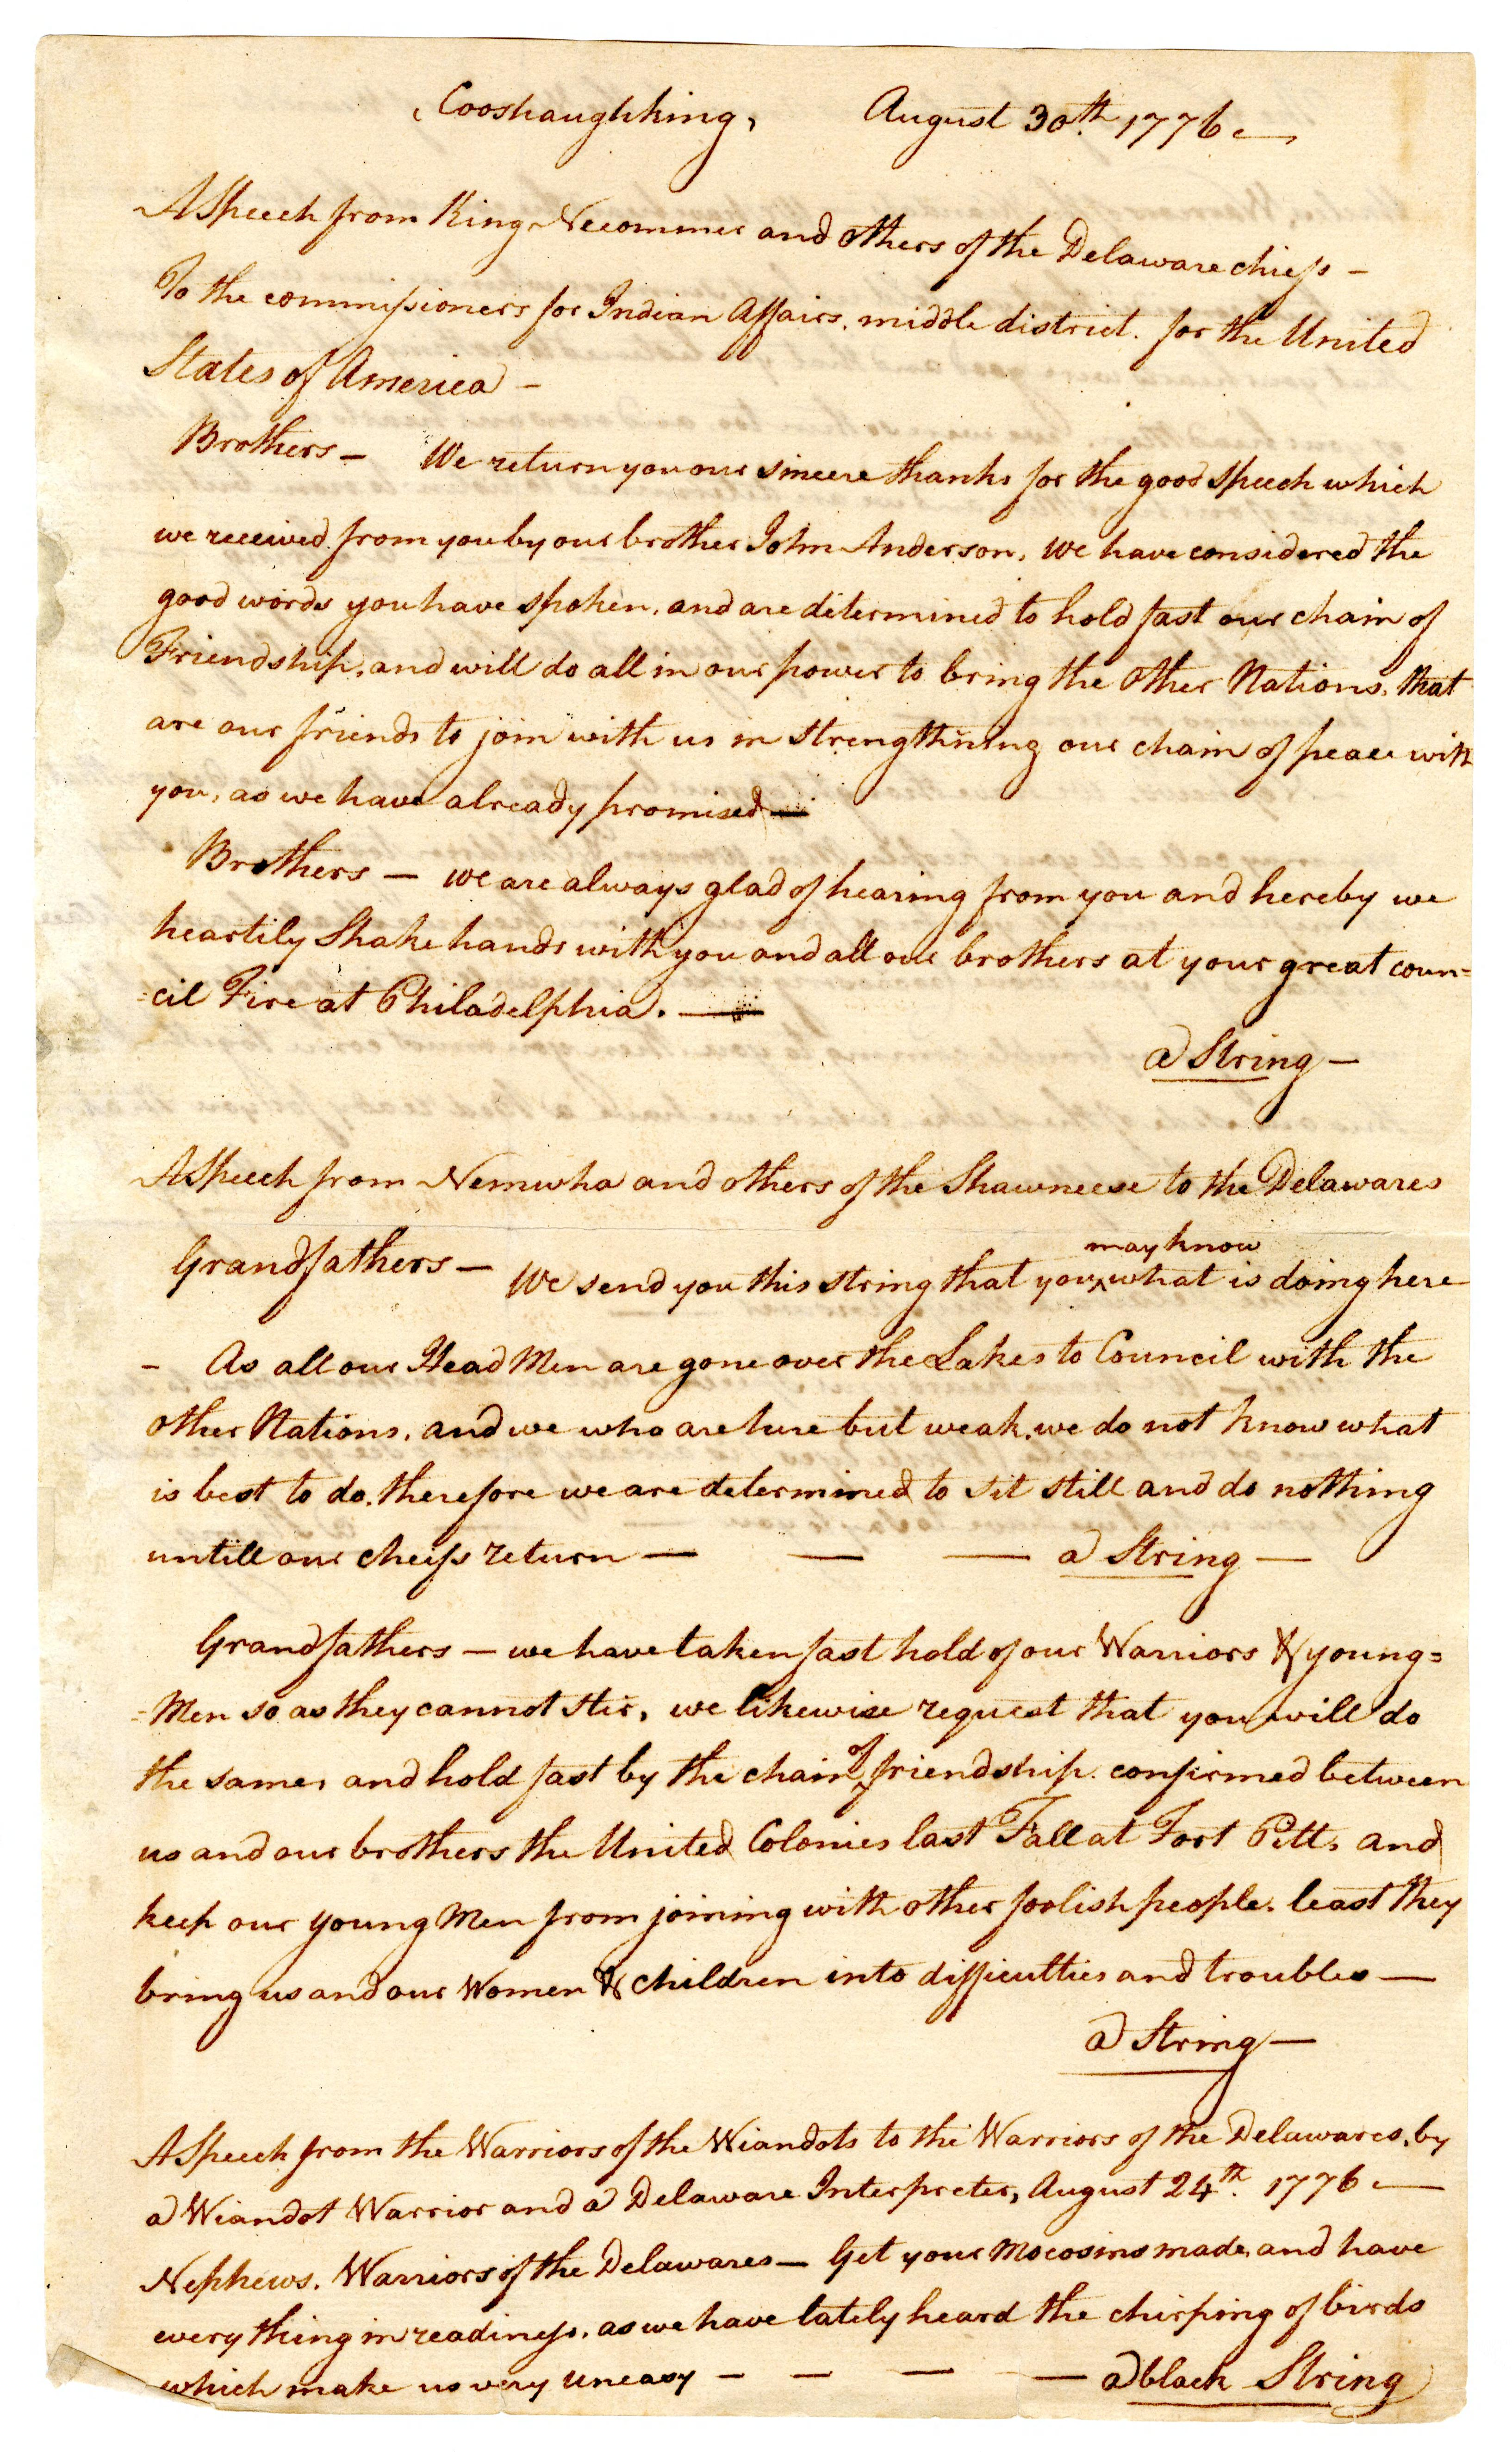Cooshaughking,
August 30^th. 1776-
A Speech from King Necommer and others of the Delaware chiefs-
To the commissioners for Indian Affairs, middle district for the United
States of America-
Brothers- We return you our sincere thanks for the good Speech which
we received from you by our brother John Anderson, We have considered the
good words you have spoken, and are determined to hold fast our chain of
Friendship, and will do all in our power to bring the other Nations, that
are our friends to join with us in Strengthening our chain of peace with
you, as we have already promised-
Brothers- we are always glad of hearing from you and hereby we
heartily Shake hands with you and all our brothers at your great coun-
-cil Fire at Philadelphia.-
a String-
A Speech from Nemwha and others of the Shawneese to the Delawares
Grandfathers-
may know
We send you this string that you ^ what is doing here
- As all our Head Men are gone over the Lakes to Council with the
Other Nations, and we who are here but weak, we do not know what
is best to do, therefore we are determined to sit still and do nothing
untill our cheifs return
- a String -
Grandfathers - we have taken fast hold of our Warriors & young-
-Men so as they cannot stir, we likewise request that you will do
of
the same, and hold fast by the chain ^ friendship confirmed between
us and our brothers the United Colonies last Fall at Fort Pitt, and
keep our young Men from joining with other foolish people least they
bring us and our Woman & children into difficulties and troubles-
a String-
A Speech from the Warriors of the Wiandots to the Warriors of the Delawares, by
a Wiandot Warrior and a Delaware Interpreter, August 24^th. 1776-
Nephews. Warriors of the Delawares- Get your Mocosins made, and have
every thing in readiness, as we have lately heard the chirping of birds
which make us very uneasy
a black String